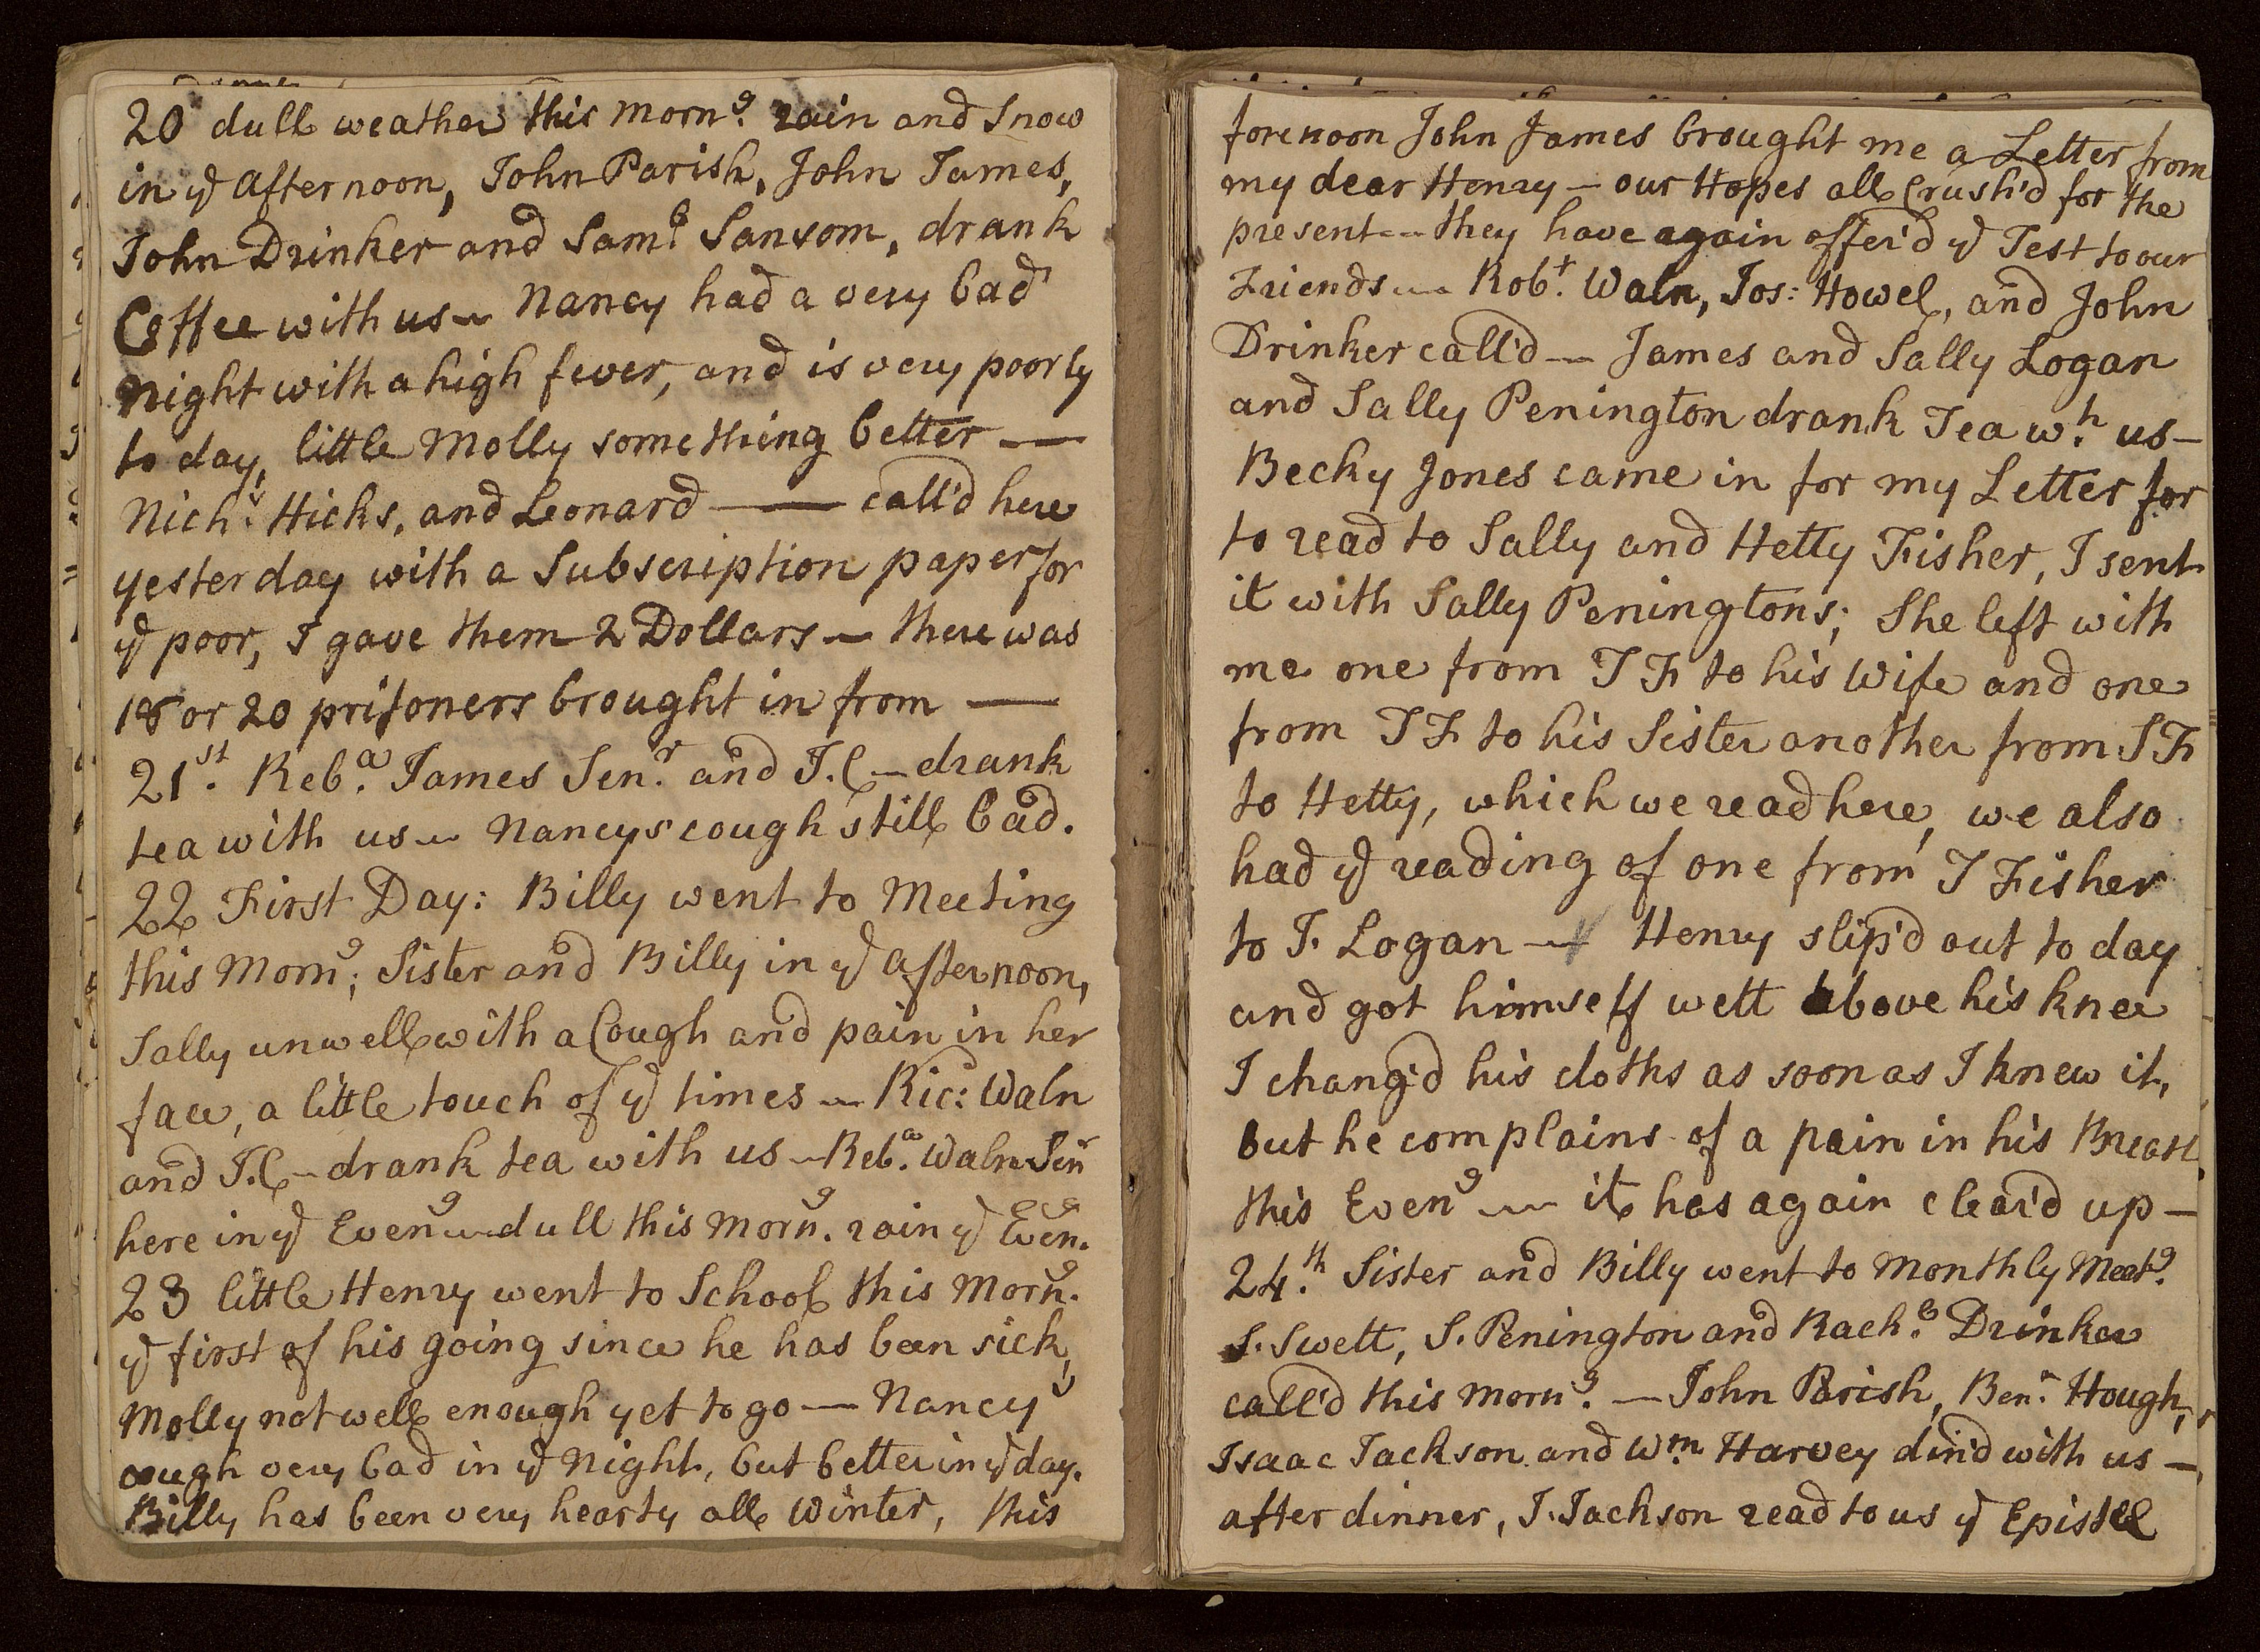20 dull weather this morn^g. rain and Snow
in y^e Afternoon, John Parish, John James
John Drinker and Sam^l. Sansom, drank
Coffee with us- Nancy had a very bad
Night with a high fever, and is very poorly
to day, little Molly something better-
Nich^s. Hicks, and Leonard- call'd here
yesterday with a Subscription paper for
y^e poor, I gave them 2 Dollars- there was
18 or 20 prisoners brought in from-
21^st. Reb^a. James Sen^r. and J.C- drank
tea with us- Nancys cough still bad.
22 First Day: Billy went to Meeting
this Morn^g., Sister and Billy in y^e Afternoon,
Sally unwell with a Cough and pain in her
jaw, a little touch of y^e times- Ric^d: Waln
and J.C- drank tea with us- Reb^a. Waln Sen^r
here in y^e Even^g - dull this morn^g. rainy Even^g.
23 little Henry went to School this Morn^g.
y^e first of his going since he had been sick,
Molly not well enough yet to go- Nancy^s
cough very bad in y^e night, but better in y^e day.
Billy has been very hearty all winter, this
forenoon John James brought me a Letter from
my dear Henry- our Hopes all Crush'd for the
present- they have again offer'd y^e Test to our
Friends- Rob^t. Waln, Jos: Howel, and John
Drinker call'd- James and Sally Logan
and Sally Penington drank Tea w^h. us-
Becky Jones came in for my Letter for
to read to Sally and Hetty Fisher, I sent
it with Sally Peningtons; She left with
me one from TF to his wife and one
from TF to his Sister another from SF
to Hetty, which we read here, we also
had y^e reading of one from T Fisher
to T. Logan- Henry slip'd out to day
and got himself wett above his knee
I chang'd his cloths as soon as I knew it,
but he complains of a pain in his Breast
this Even^g- it has again clear'd up-
24^th. Sister and Billy went to Monthly Meet^g.
S. Swett, S. Penington and Rach^l. Drinker
call'd this morn^g.- John Parish, Ben^n. Hough,
Isaac Jackson and W^m. Harvey din'd with us-
after dinner, J. Jackson read to us y^e Epistle